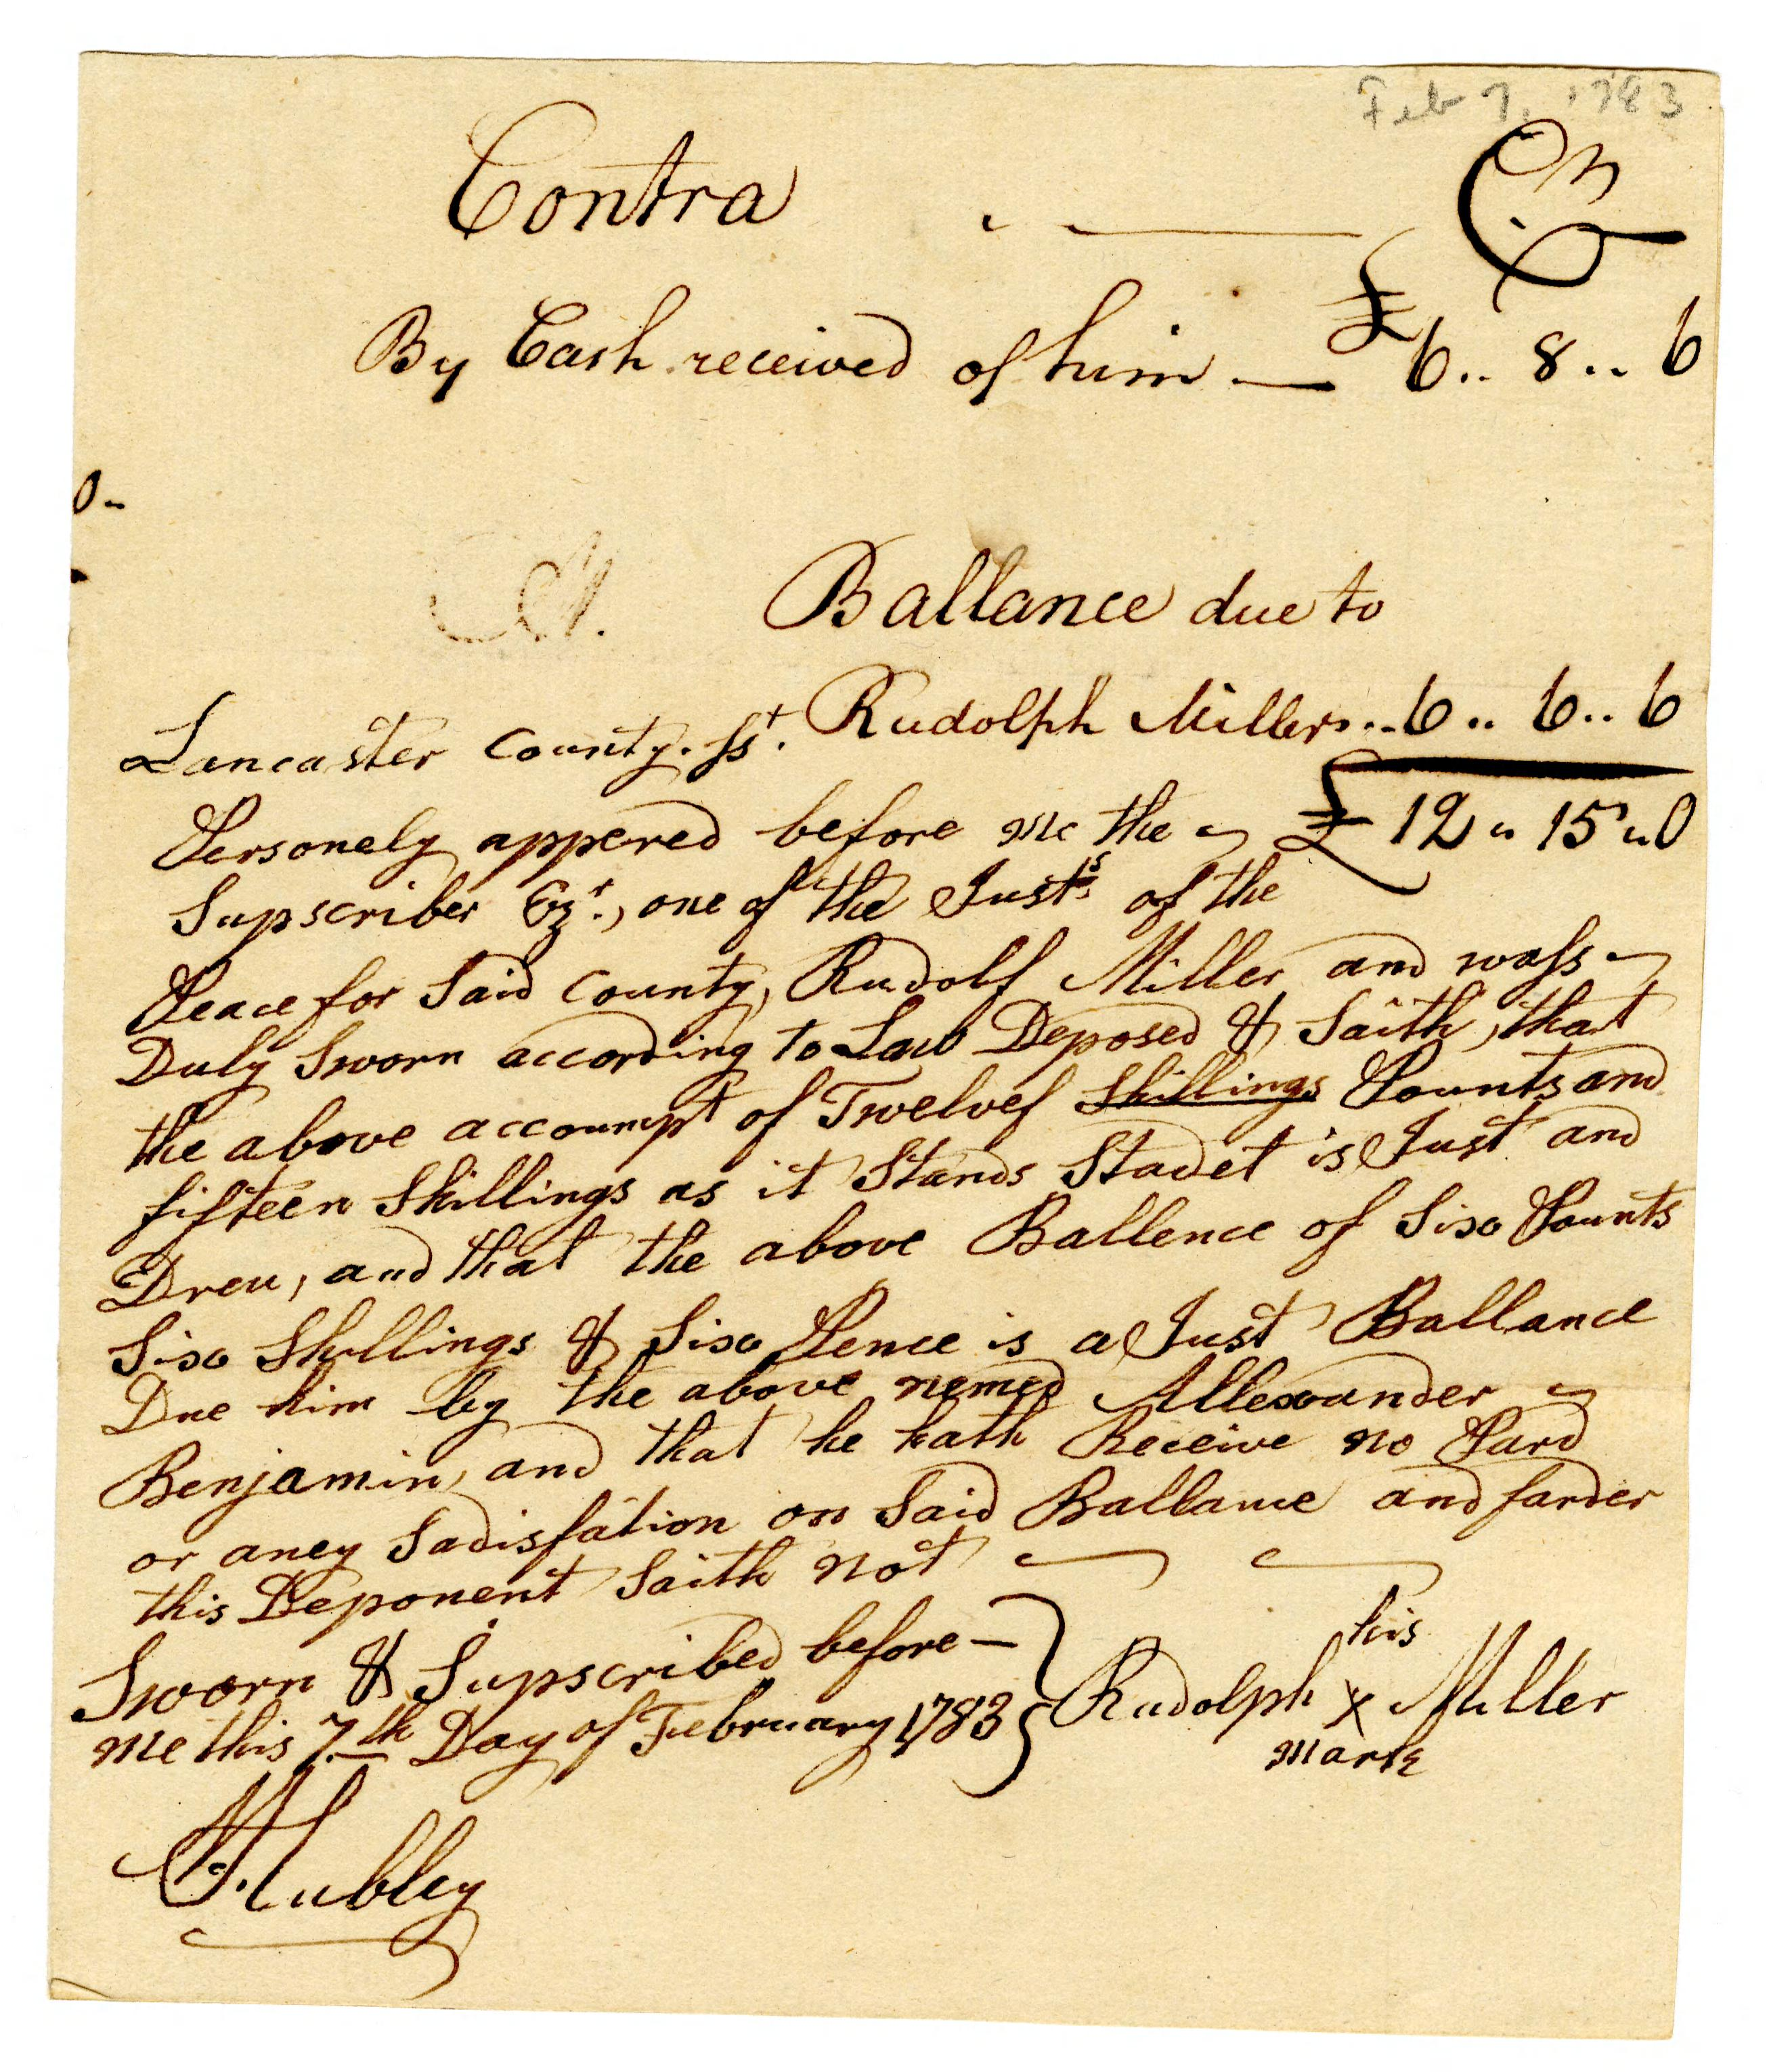Contra
By Cash received of him £6.. 8.. 6
Ballance due to
Lancaster County. p^t. Rudolph Miller ..6.. 6.. 6
Personely appered before me the £ 12.. 15.. 0
Supscriber Ez^r. one of the Justs of the
Peace for said County, Rudolf Miller and wass
Duly Sworn according to Law Deposed & Saith, that
the above account of Twelve shillings Pounts and
fifteen Shillings as it Stands Stadet is Just and
Drew, and that the above Ballence of Six Pounts
Six Shillings & Six Pence is a Just Ballance
Due him by the above named Allexander
Benjamin, and that he hath Receive no Pard
or aney Sadisfation on said Ballance and farder
this Deponent Saith not
Sworn & Supscribed before
me this 7^th. Day of February 1783
sirs
Rudolph Miller
Marte
M. Cubley